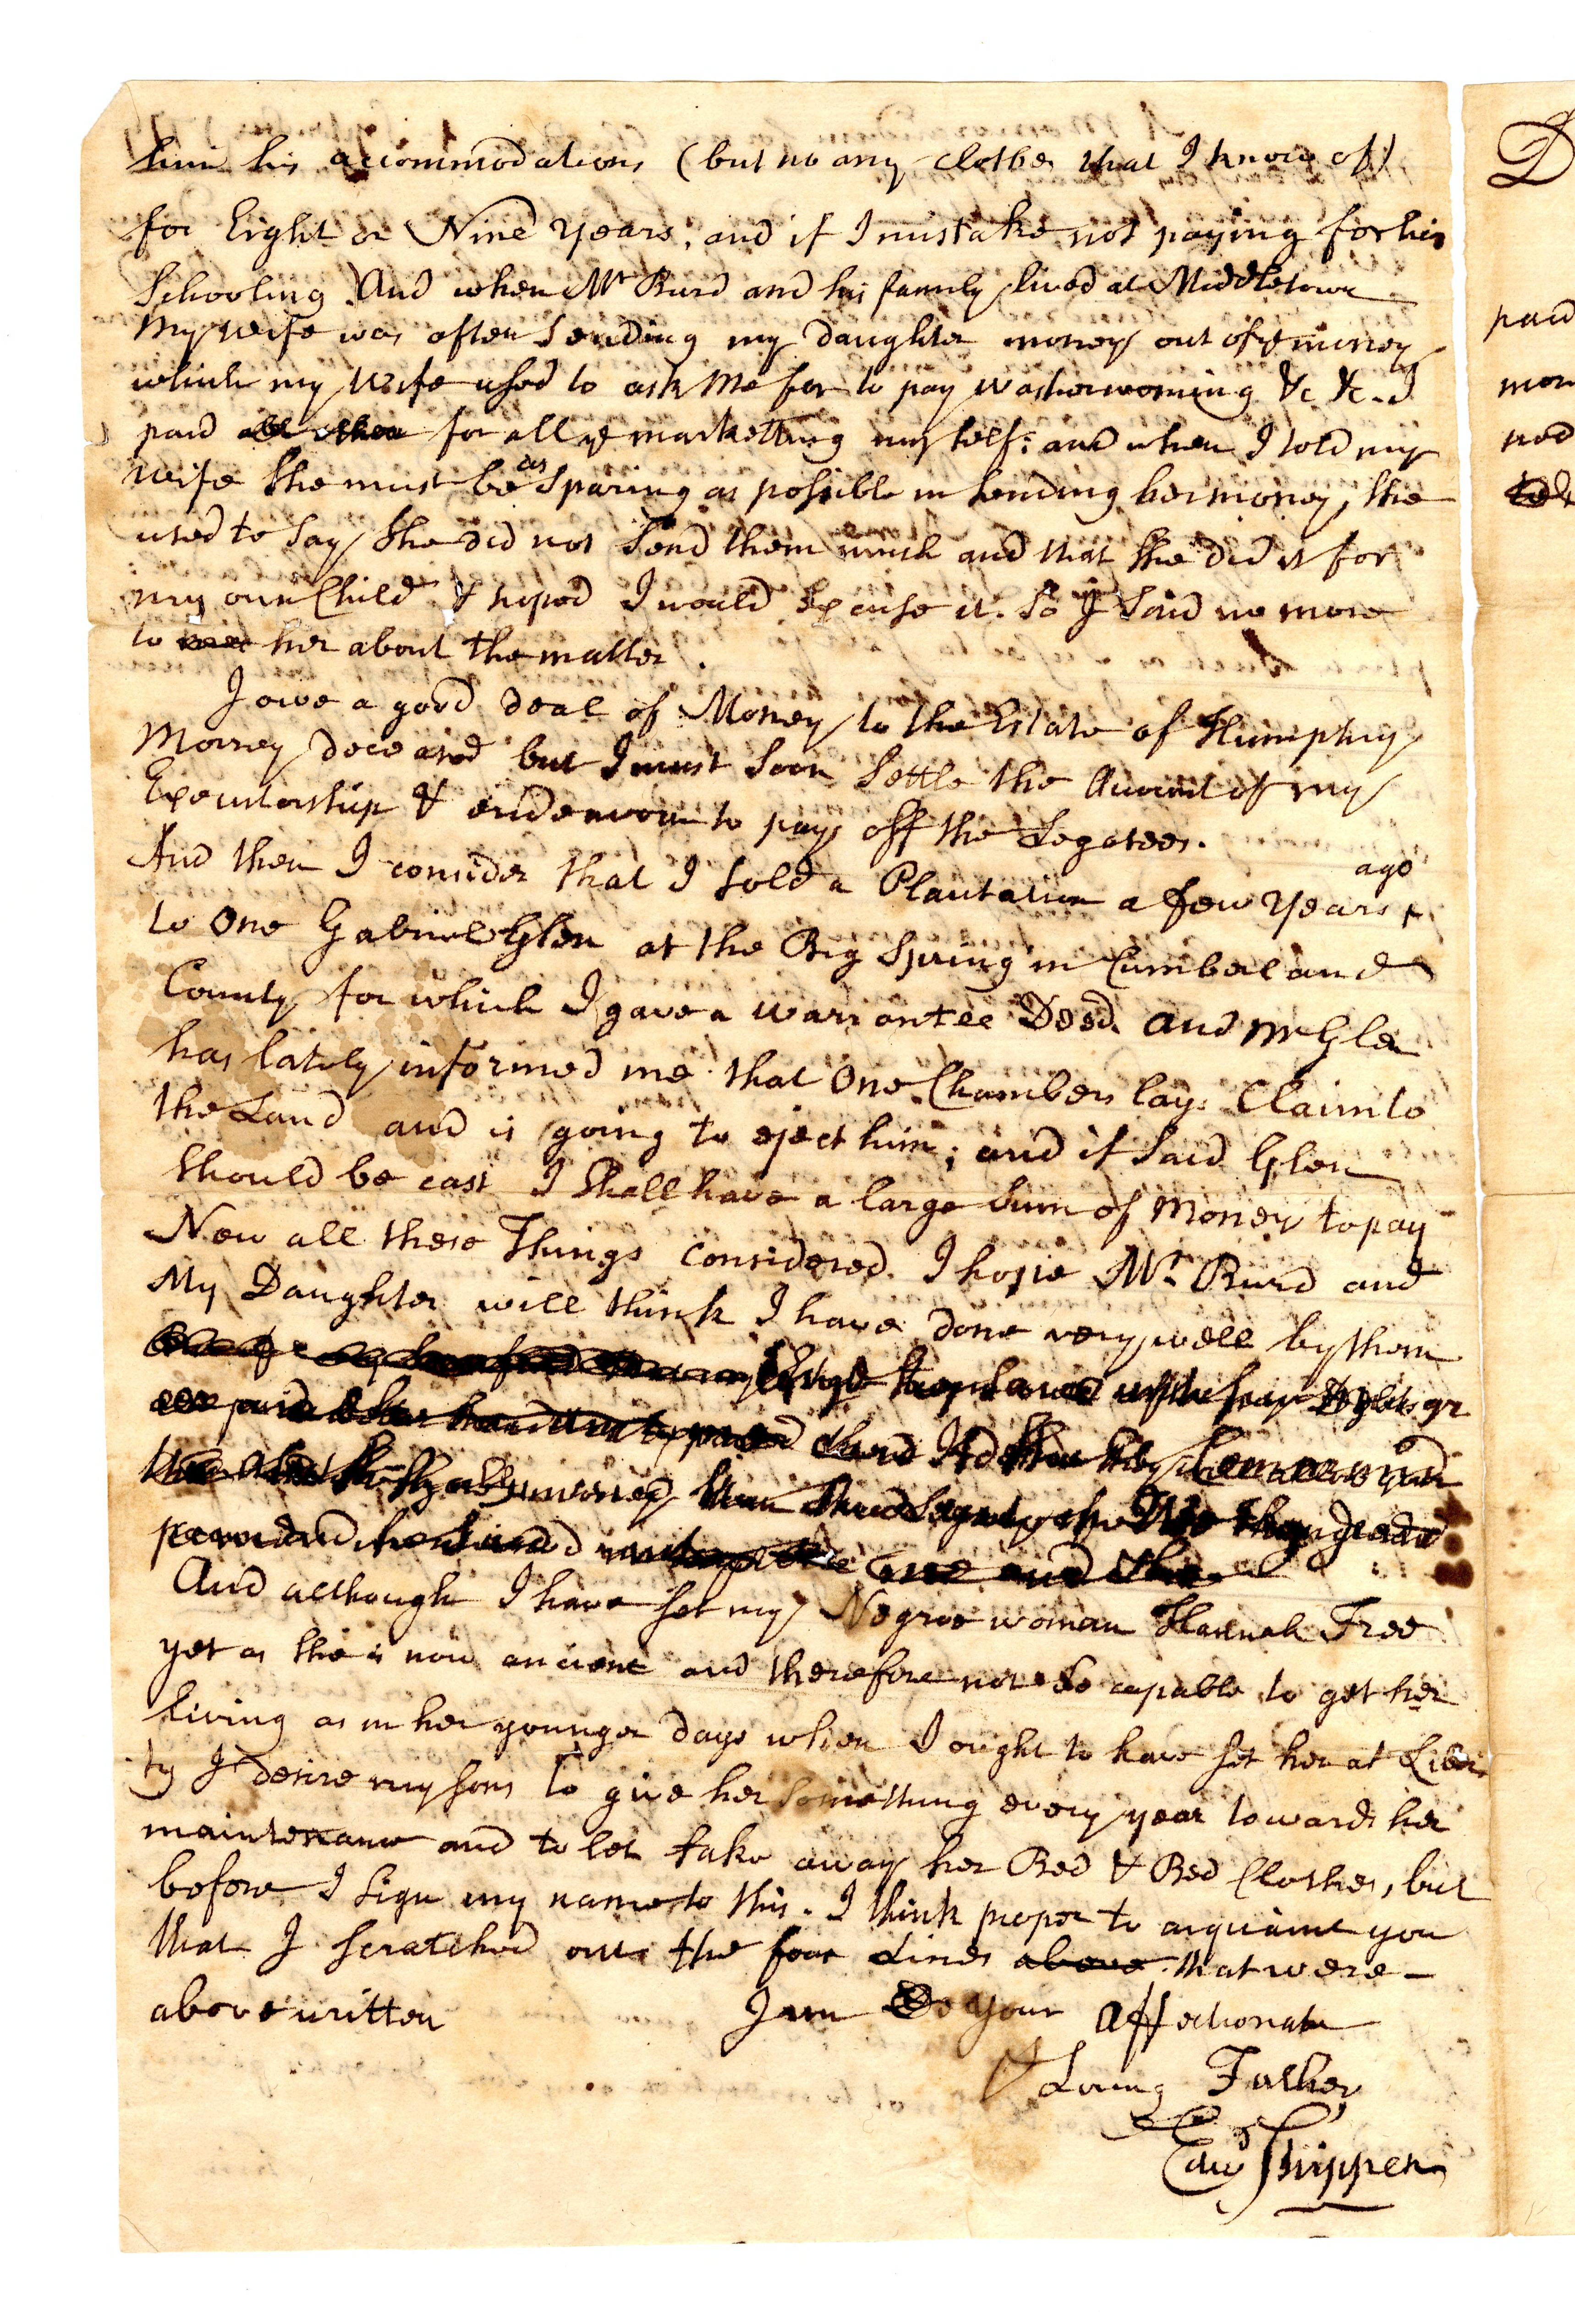him his accommodations (but no any cloths that I know of)
for Eight or Nine years; and if I mistake not paying for his
Schooling. And when M^r Burd and his family lived at Middletown
My Wife was often sending my daughter money out of y^e money
which my Wife used to ask Me for to pay Washerwoming &c. &c. I
paid [all] [___] for all y^e marketting my self: and when I told my
as
wife She must be ^ sparing as possible in Lending her money, She
used to Say She did not Send them much and that she did it for
my own Child & hoped I would excuse it. So I said no more
to [___] her about the matter.
I owe a good deal of Money to the Estate of Humphry
Money [dues] and but I must soon settle the account of my
Executorship & endeavour to pay off the Legateer.
And then I consider that I sold a Plantation a few Years ^
ago
to one Gabriel Glen at the Big Spring in Cumberland
County for which I gave a warrantee Deed and M^r Glen
has lately informed me that One Chamber lays Claim to
the Land and is going to eject him; and if said Glen
should be cast I shall have a large sum of Money to pay-
Now all these Things considered. I hope M^r. Burd and
My Daughter will think I have done very well by them.
And although I have set my Negroe woman Hannah Free
yet as she is now ancient and therefore not so capable to get her
living as in her younger days when I ought to have set her at Liber
-ty I desire my sons to give her something every year towards her
maintenance and to let take away her Bed & Bed Clothes, but
before I Sign my name to this. I think proper to acquaint you
that I scratched out the four Lines [above] that were-
above written
I am [_] Your affectionate
& Loving Father,
Edw^d Shippen